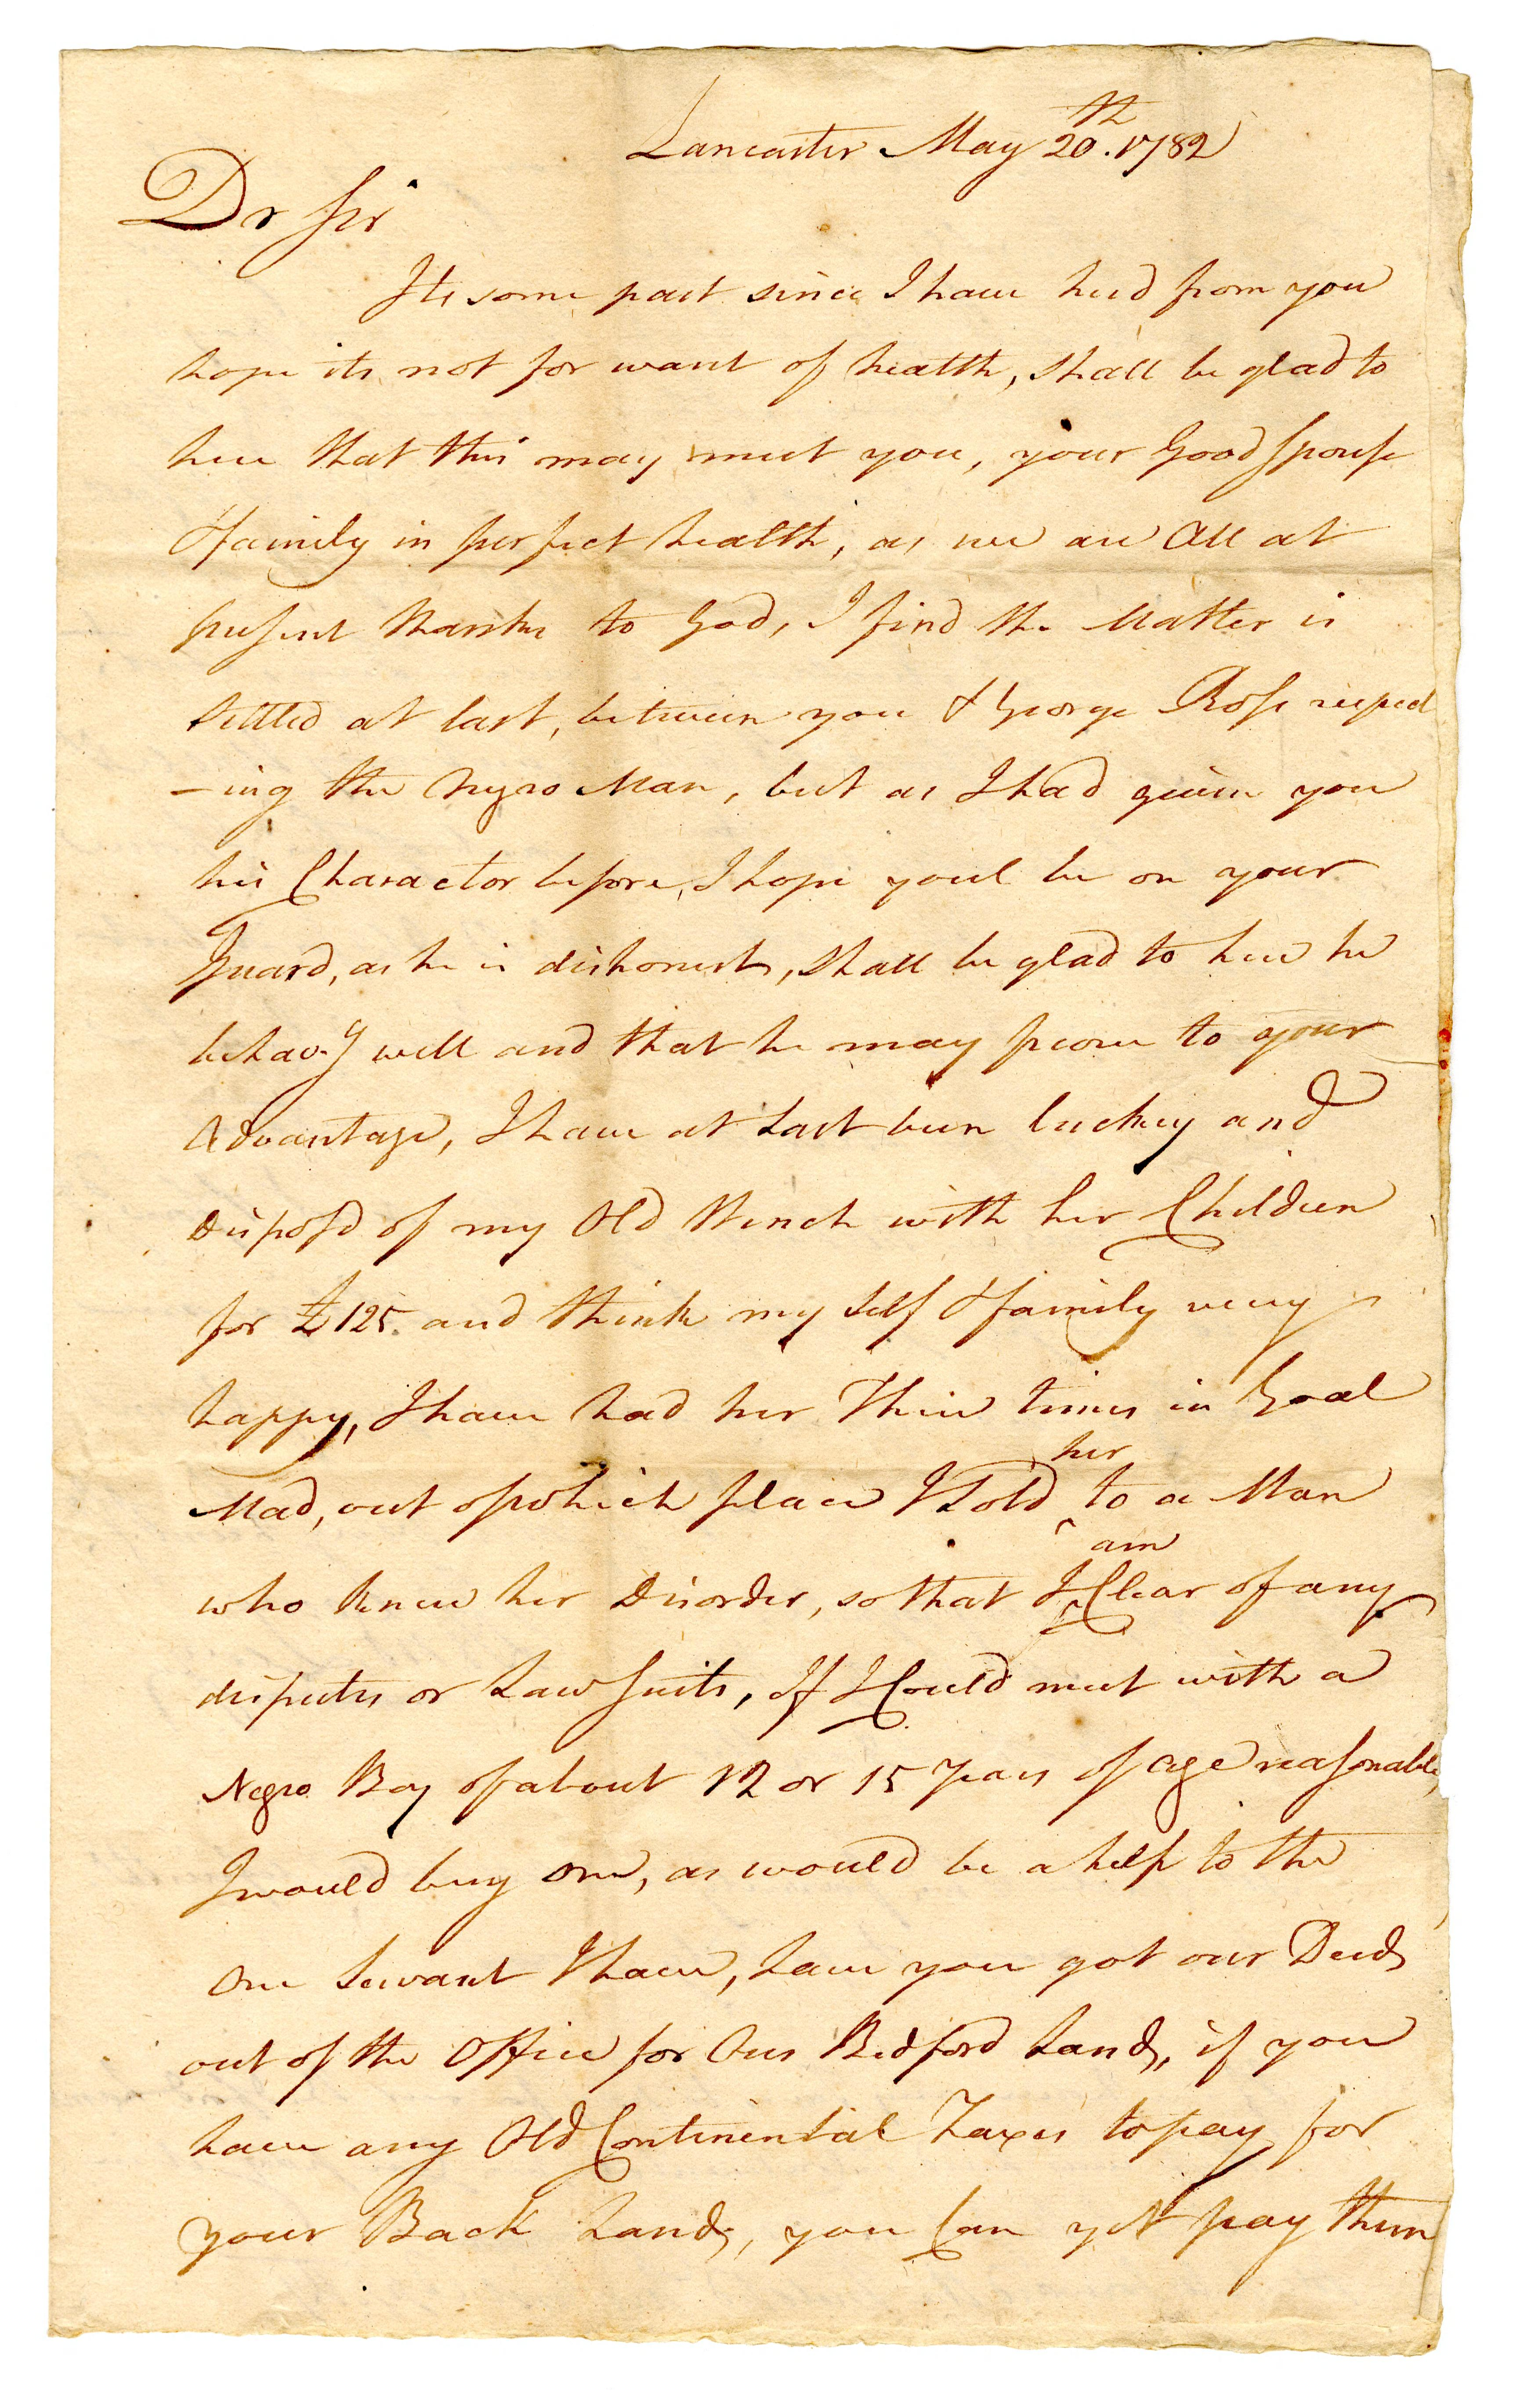Lancaster May 20^th. 1782
Dr Sir
Its some past since I have herd from you`
hope its not for want of health, shall be glad to
here that this May meet you, your Good spouse
& family in perfect health, as we are All at
present thanks to god, I find the Matter is
Setlled at last, between you & George Ross respect-
-ing the Nyrs Man, but as I had given you
his Character before, I hope youl be on your.
guard, as he is dishonest, shall be glad to here he
behav^g. Well and that he may prove to your
Advantage, I have at Last been luckey and
Disposd of my Old Wench with her Children
for £125 and think my self & family very
happy, I have had her three times in Goal
Mad, out of which place I sold ^ to a Man
her
who knew her Disorder, so that I ^ Clear of any
am
disputes or Law suits, If I Could meet with a
Negro boy of about 12 or 15 years of age reasonable
I would buy one, as would be a help to the
one Servant I have, have you got our Deed
out of the Office for Our Bedford Lands, if you
have any Old Continental Taxes to pay for
your Back Land, you Can yet pay them